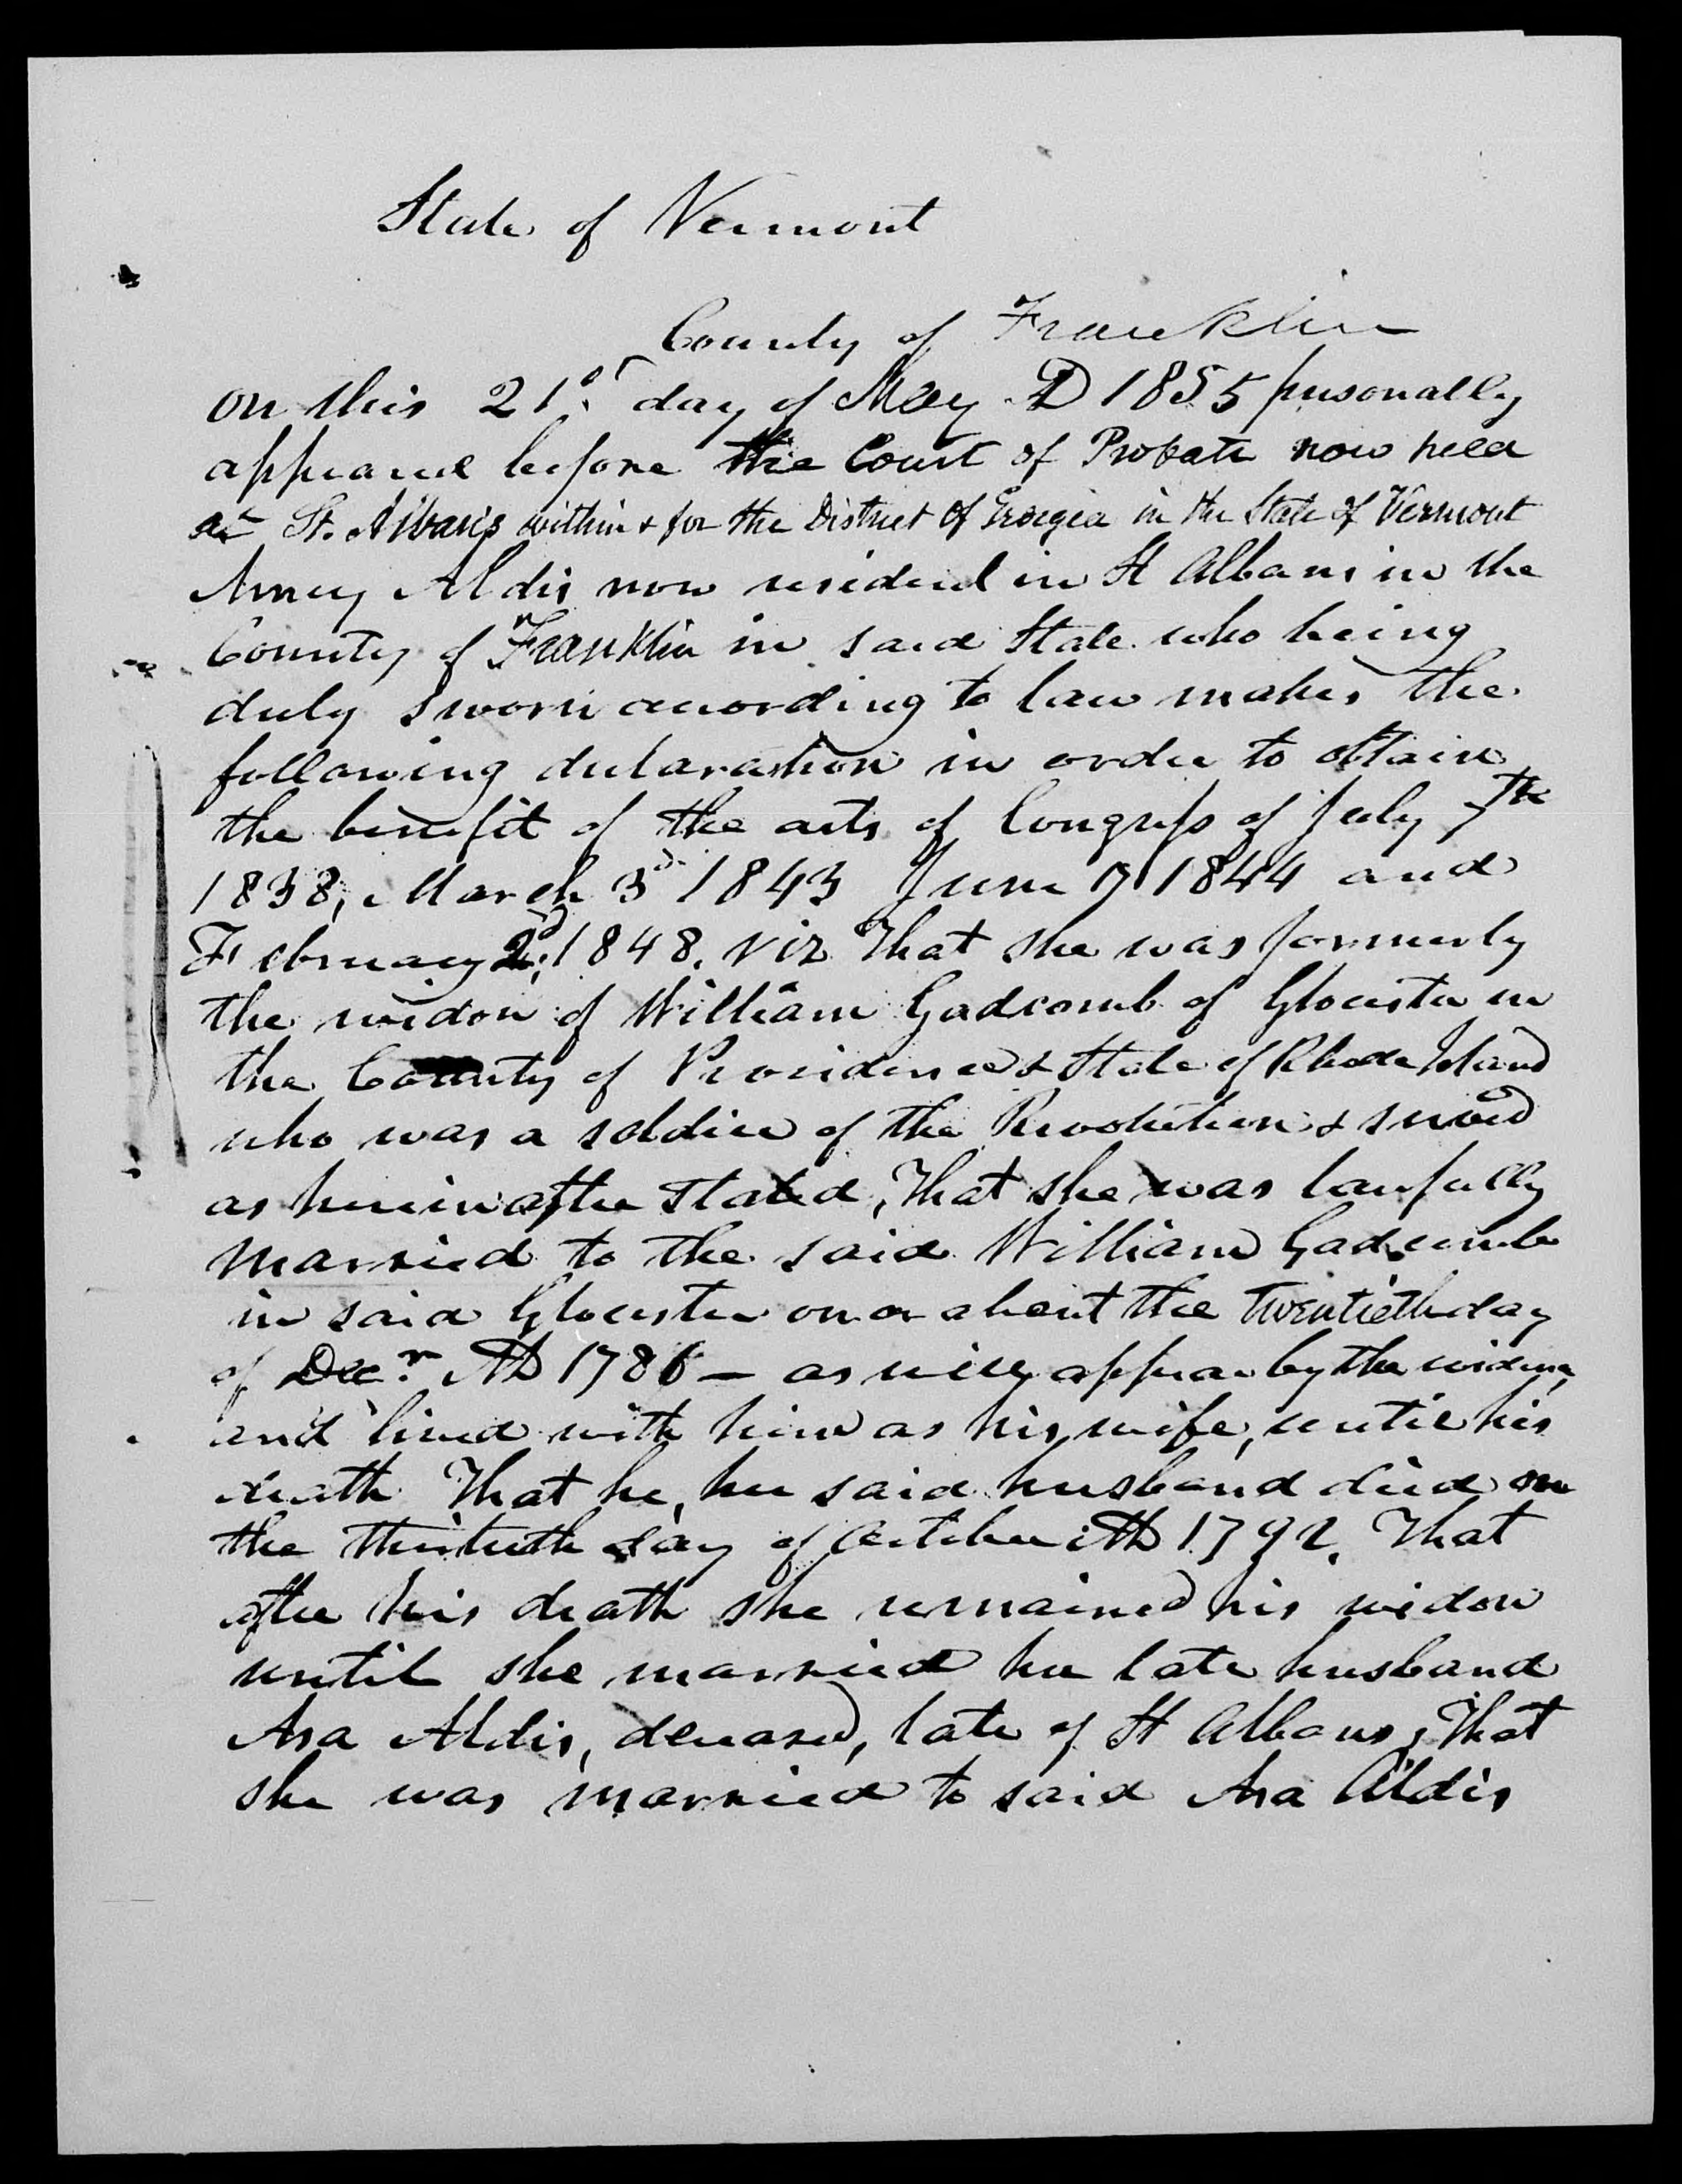State of Vermont
County of Franklin
On this 21st day of May A. D. 1855 personally
appeared before the Court of Probate now held
at St. Albans within & for the District of Georgia in the State of Vermont
Amey Aldis now resided in St Albans in the
County of Franklin in said State who being
duly sworn according to law makes the
following declaration in order to obtain
the benefit of the act of Congress of July 7th
1838, March 3d 1843 June 7 1844 and
February 2d 1848, viz. That she was formerly
the widow of William Gadcomb of Glocester in
the County of Providence & State of Rhode Island
who was a soldier of the Revolution & served
as hereinafter stated that she was lawfully
married to the said William Gadcomb 
in said Glocester on or about the twentieth day
of Dec’r. A. D. 1786 as will appear by the evidence 
and lived with him as his wife, until his
death. That he her said husband died on
the thirtieth day of October 1792. That
after his death she remained his widow
until she married her late husband
Asa Aldis, deceased, late of St. Albans, That
she was married to said Asa Aldis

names: Asa Aldis, William Gadcomb, Amey Aldis, William Gadcomb, Asa Aldis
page: 4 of 76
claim: widow's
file: W. 15,517, William Gadcomb, R.I.